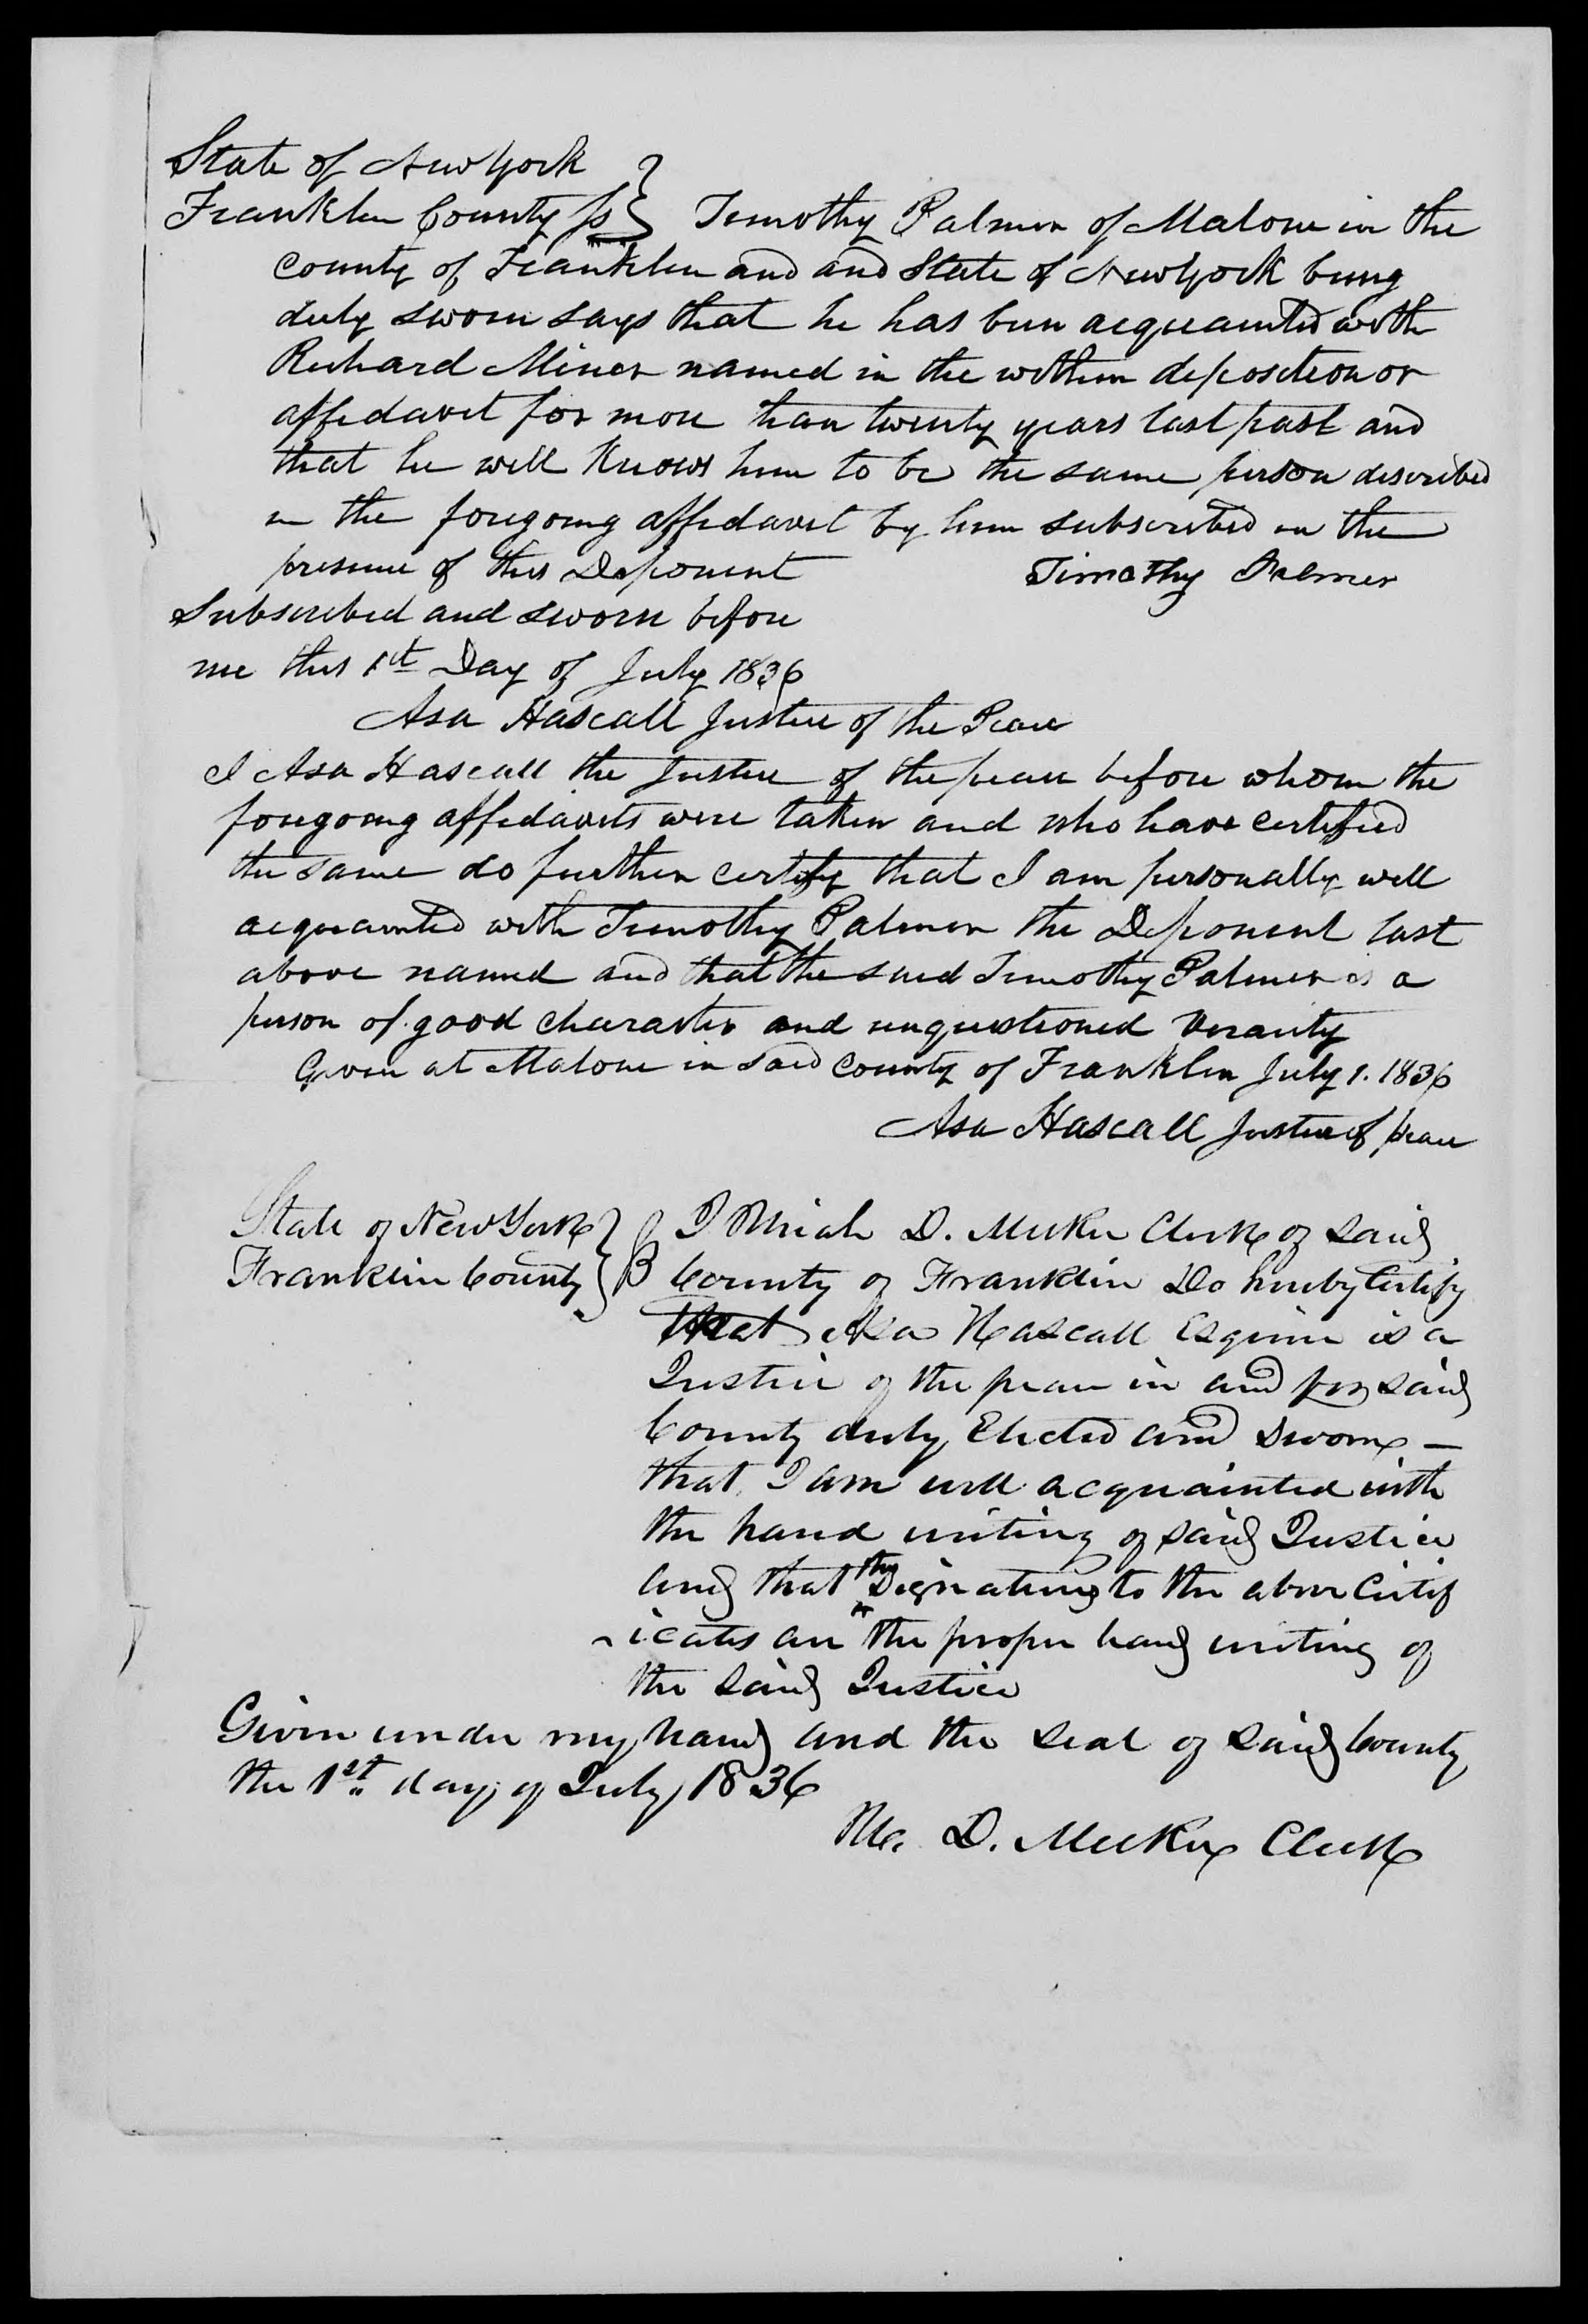State of New York
Franklin County
Timothy Palmer of Malone in the
County of Franklin and and State of New York being
duly sworn says that he has been acquainted with
Richard Miner named in the within deposition or
affidavit for more than twenty years last past and
that he well knows him to be the same person described
in the foregoing affidavit by him subscribed on the
presence of this Deponent
Subscribed and sworn before
me this 1st day of July 1836
Timothy Palmer
Asa Hascall, Justice of the Peace
I Asa Hascall the Justice of the peace before whom the
foregoing affidavits were taken and who have certified
the same do further certify that I am personally well
acquainted with Timothy Palmer the Deponent last
above named and that the said Timothy Palmer is a person
of good character and unquestioned voracity
Given at Malone in said County of Franklin July 1. 1836
Asa Hascall, Justice of Peace

State of New York
Franklin County
I Uriah D. Meeker, Clerk of said
County of Franklin do hereby certify
that Asa Hascall, Esquire is a
Justice of the peace in and for said
County duly Elected and sworn
that I am well acquainted with
the hand writing of said Justice
and that the signature to the above certificates and the proper hand writing of
the said Justice.
Given under my hand and the seal of said County
the 1st day of July 1836
Mr. D. Meeker, Clerk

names: Asa Hascall; Richard Miner; Uriah D Meeker; Timothy Palmer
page: 33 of 34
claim: survivor's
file: S. 13944, for Richard Miner, Massachusetts